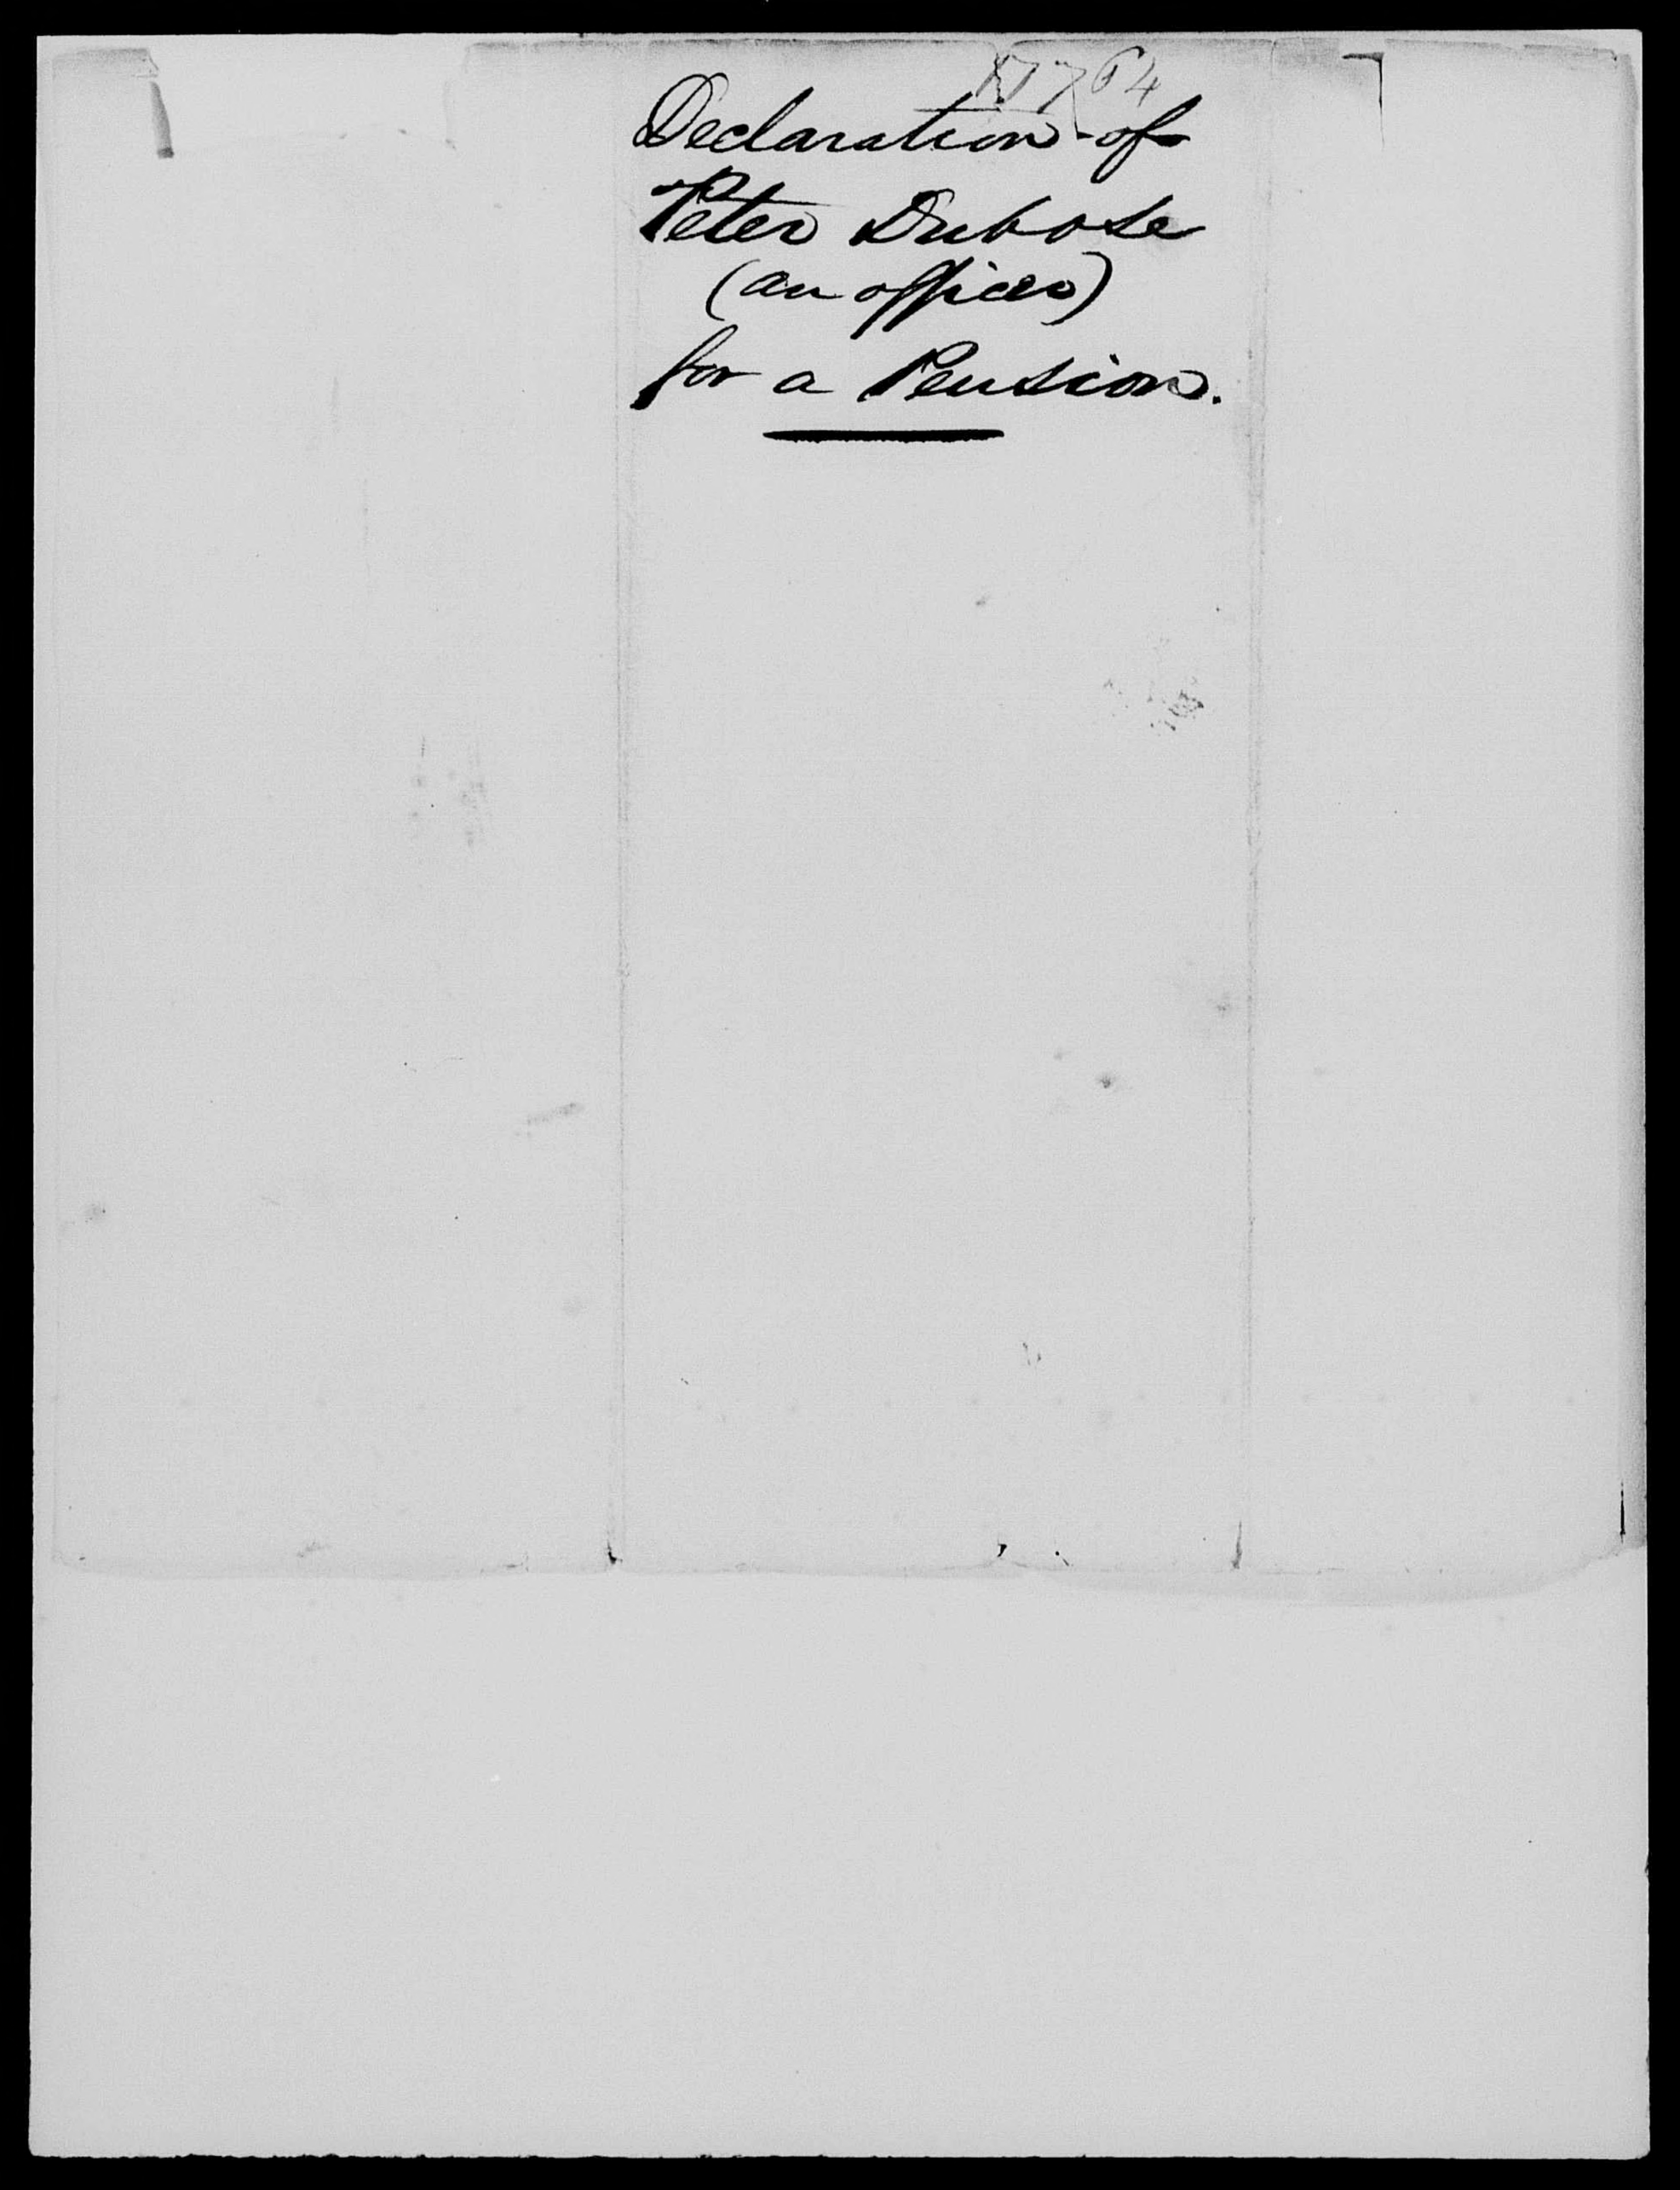17764
Declaration of
Peter Dubose
(an Officer)
for a Pensiom.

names: Peter Dubose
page: 13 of 43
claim: survivor's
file: S. 21163, Peter Dubose, S.C.